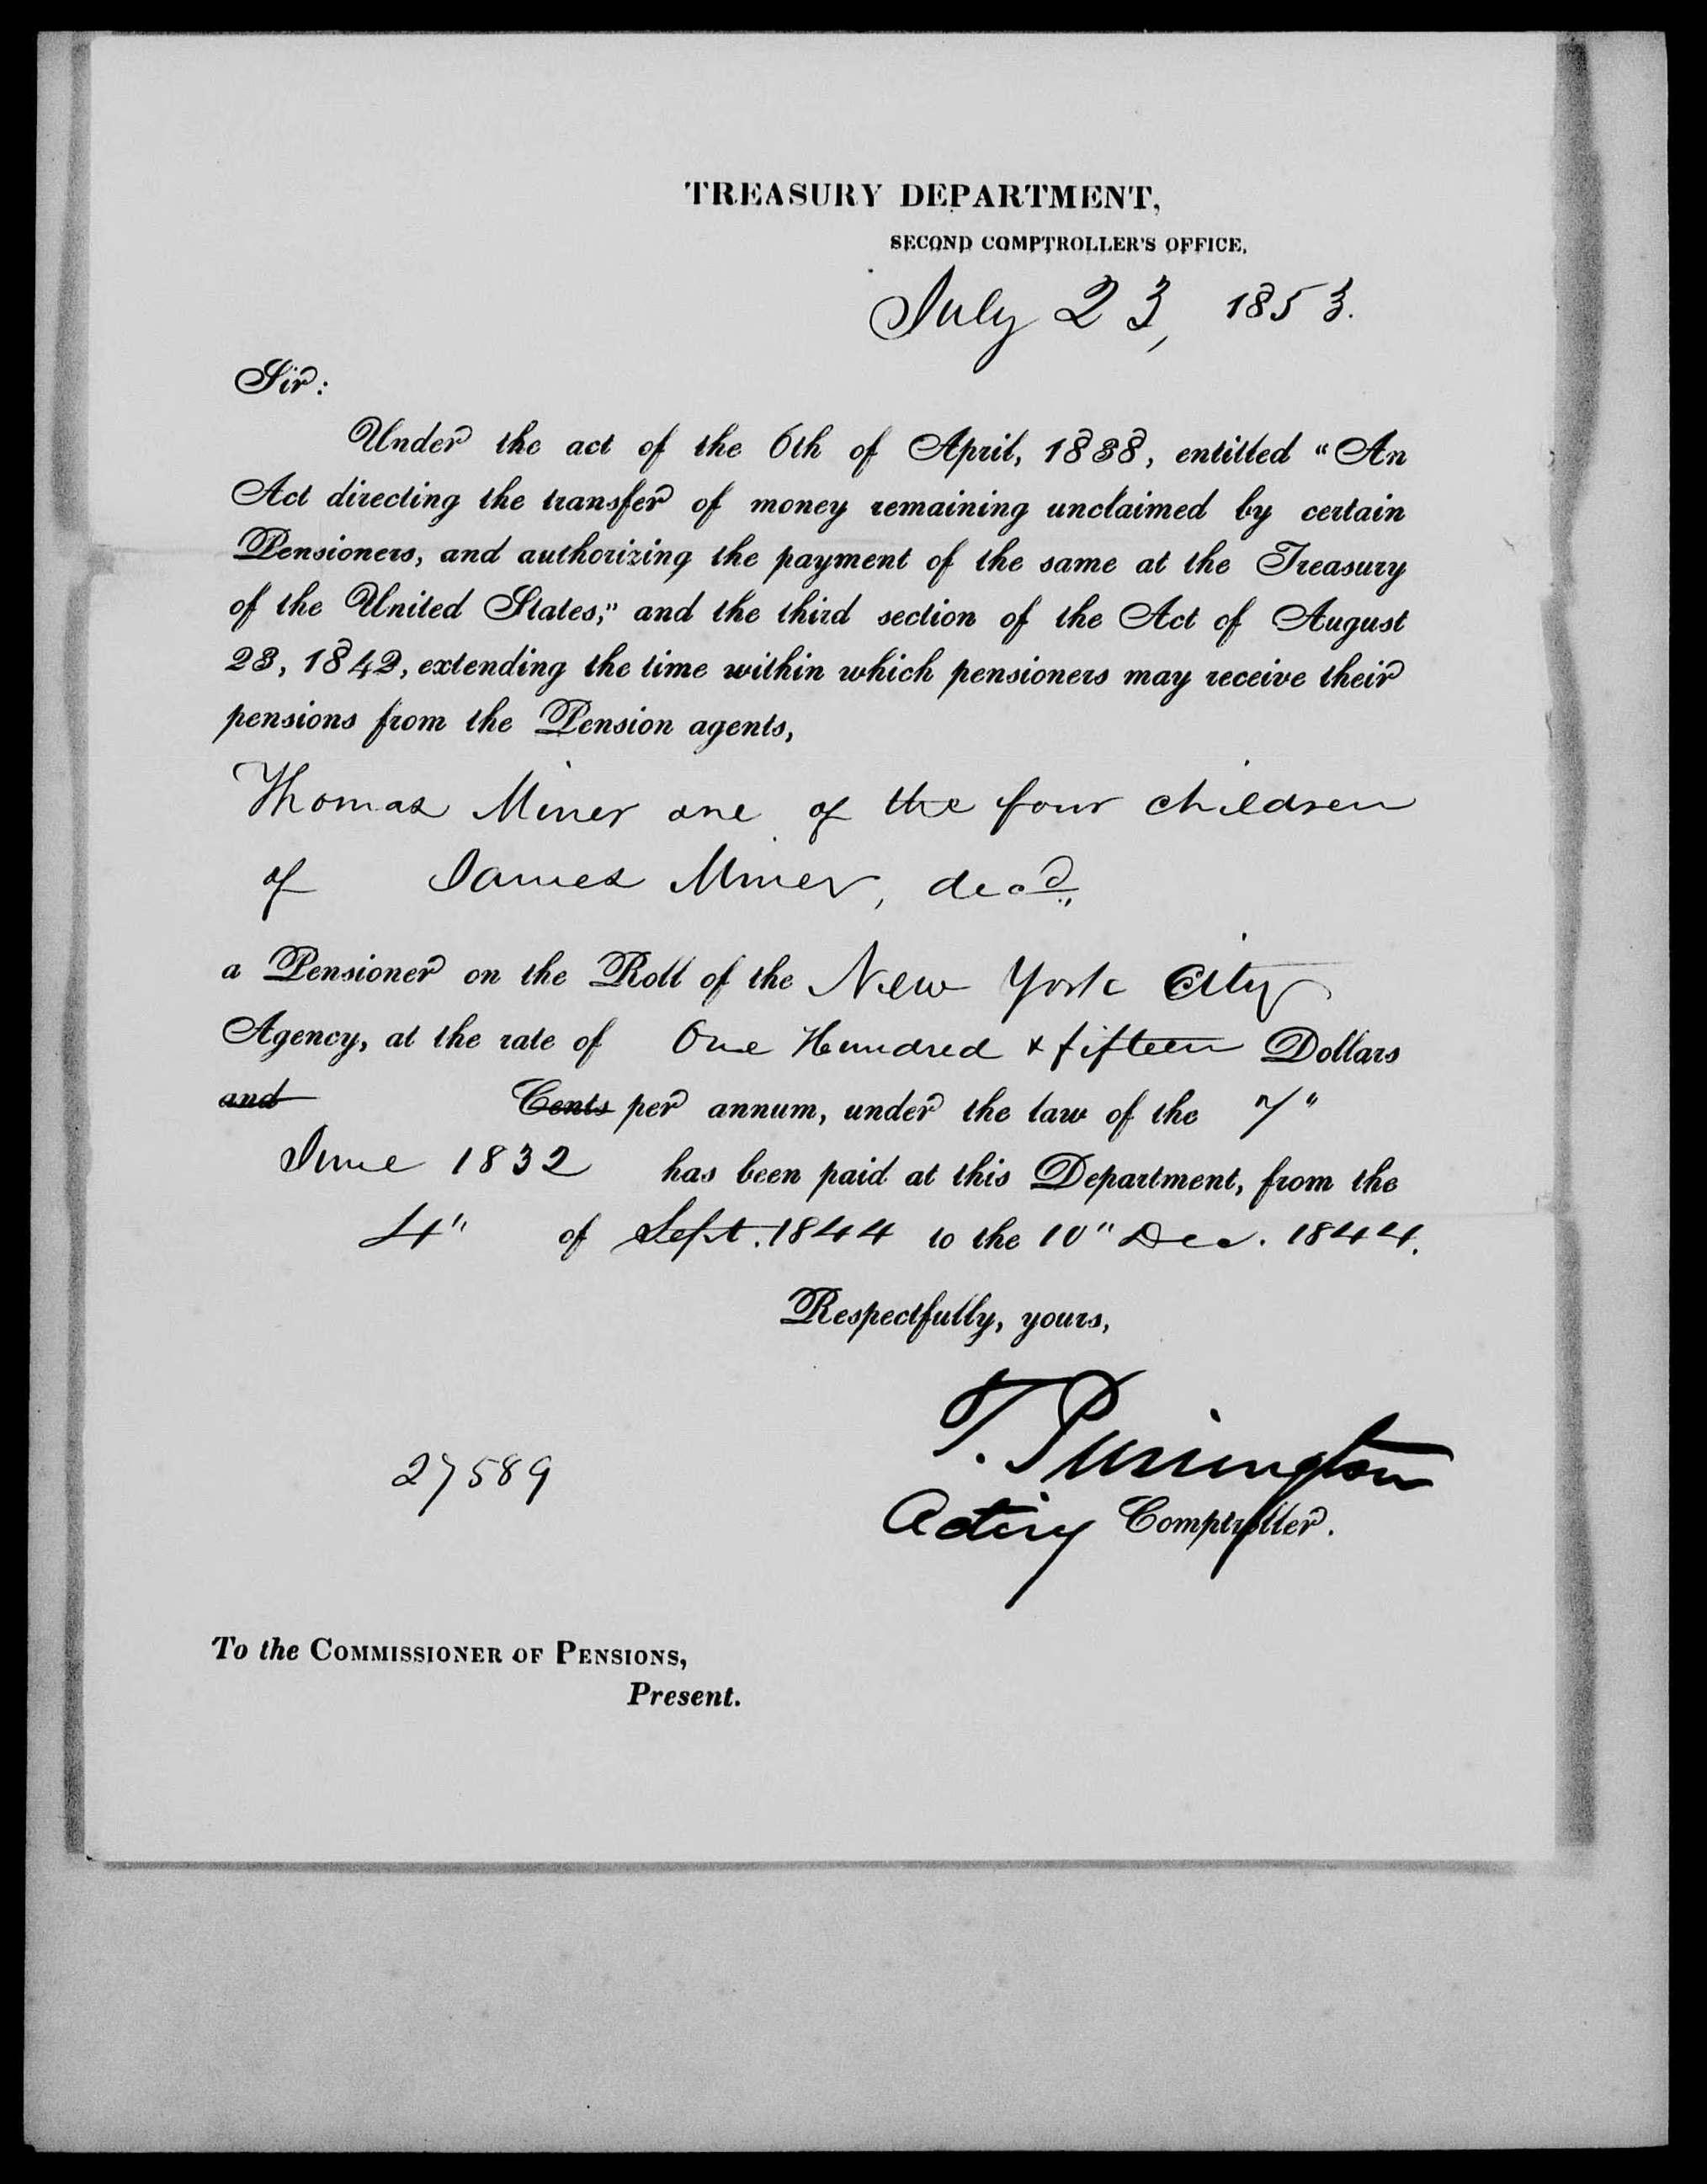TREASURY DEPARTMENT,
SECOND COMPTROLLER'S OFFICE,
July 23, 1853

Sir:
Under the act of the 6th of April, 1838, entitled "An Act directing the transfer of money remaining unclaimed by certain Pensioners, and authorizing the payment of the same at the Treasury of the United States," and the third section of the Act of August 23, 1842, extending the time within which pensioners may receive their pensions from the Pension agents,
Thomas Miner one of the four children
of James Miner, decd
a Pensioner on the Roll of the New York City
Agency, at the rate of one Hundred & fifteen Dollars per annum, under the law of the 7"
June 1832 has been paid at this Department, from the 4" of Sept. 1844 to the 10" Dec. 1844.

Respectfully, yours,
T. Pennington
Acting Comptroller

27589

To the COMMISSIONER OF PENSIONS,
Present.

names: James Miner; T Purrington; Thomas Miner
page: 3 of 39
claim: survivor's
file: S. 23802, for James Miner, Connecticut